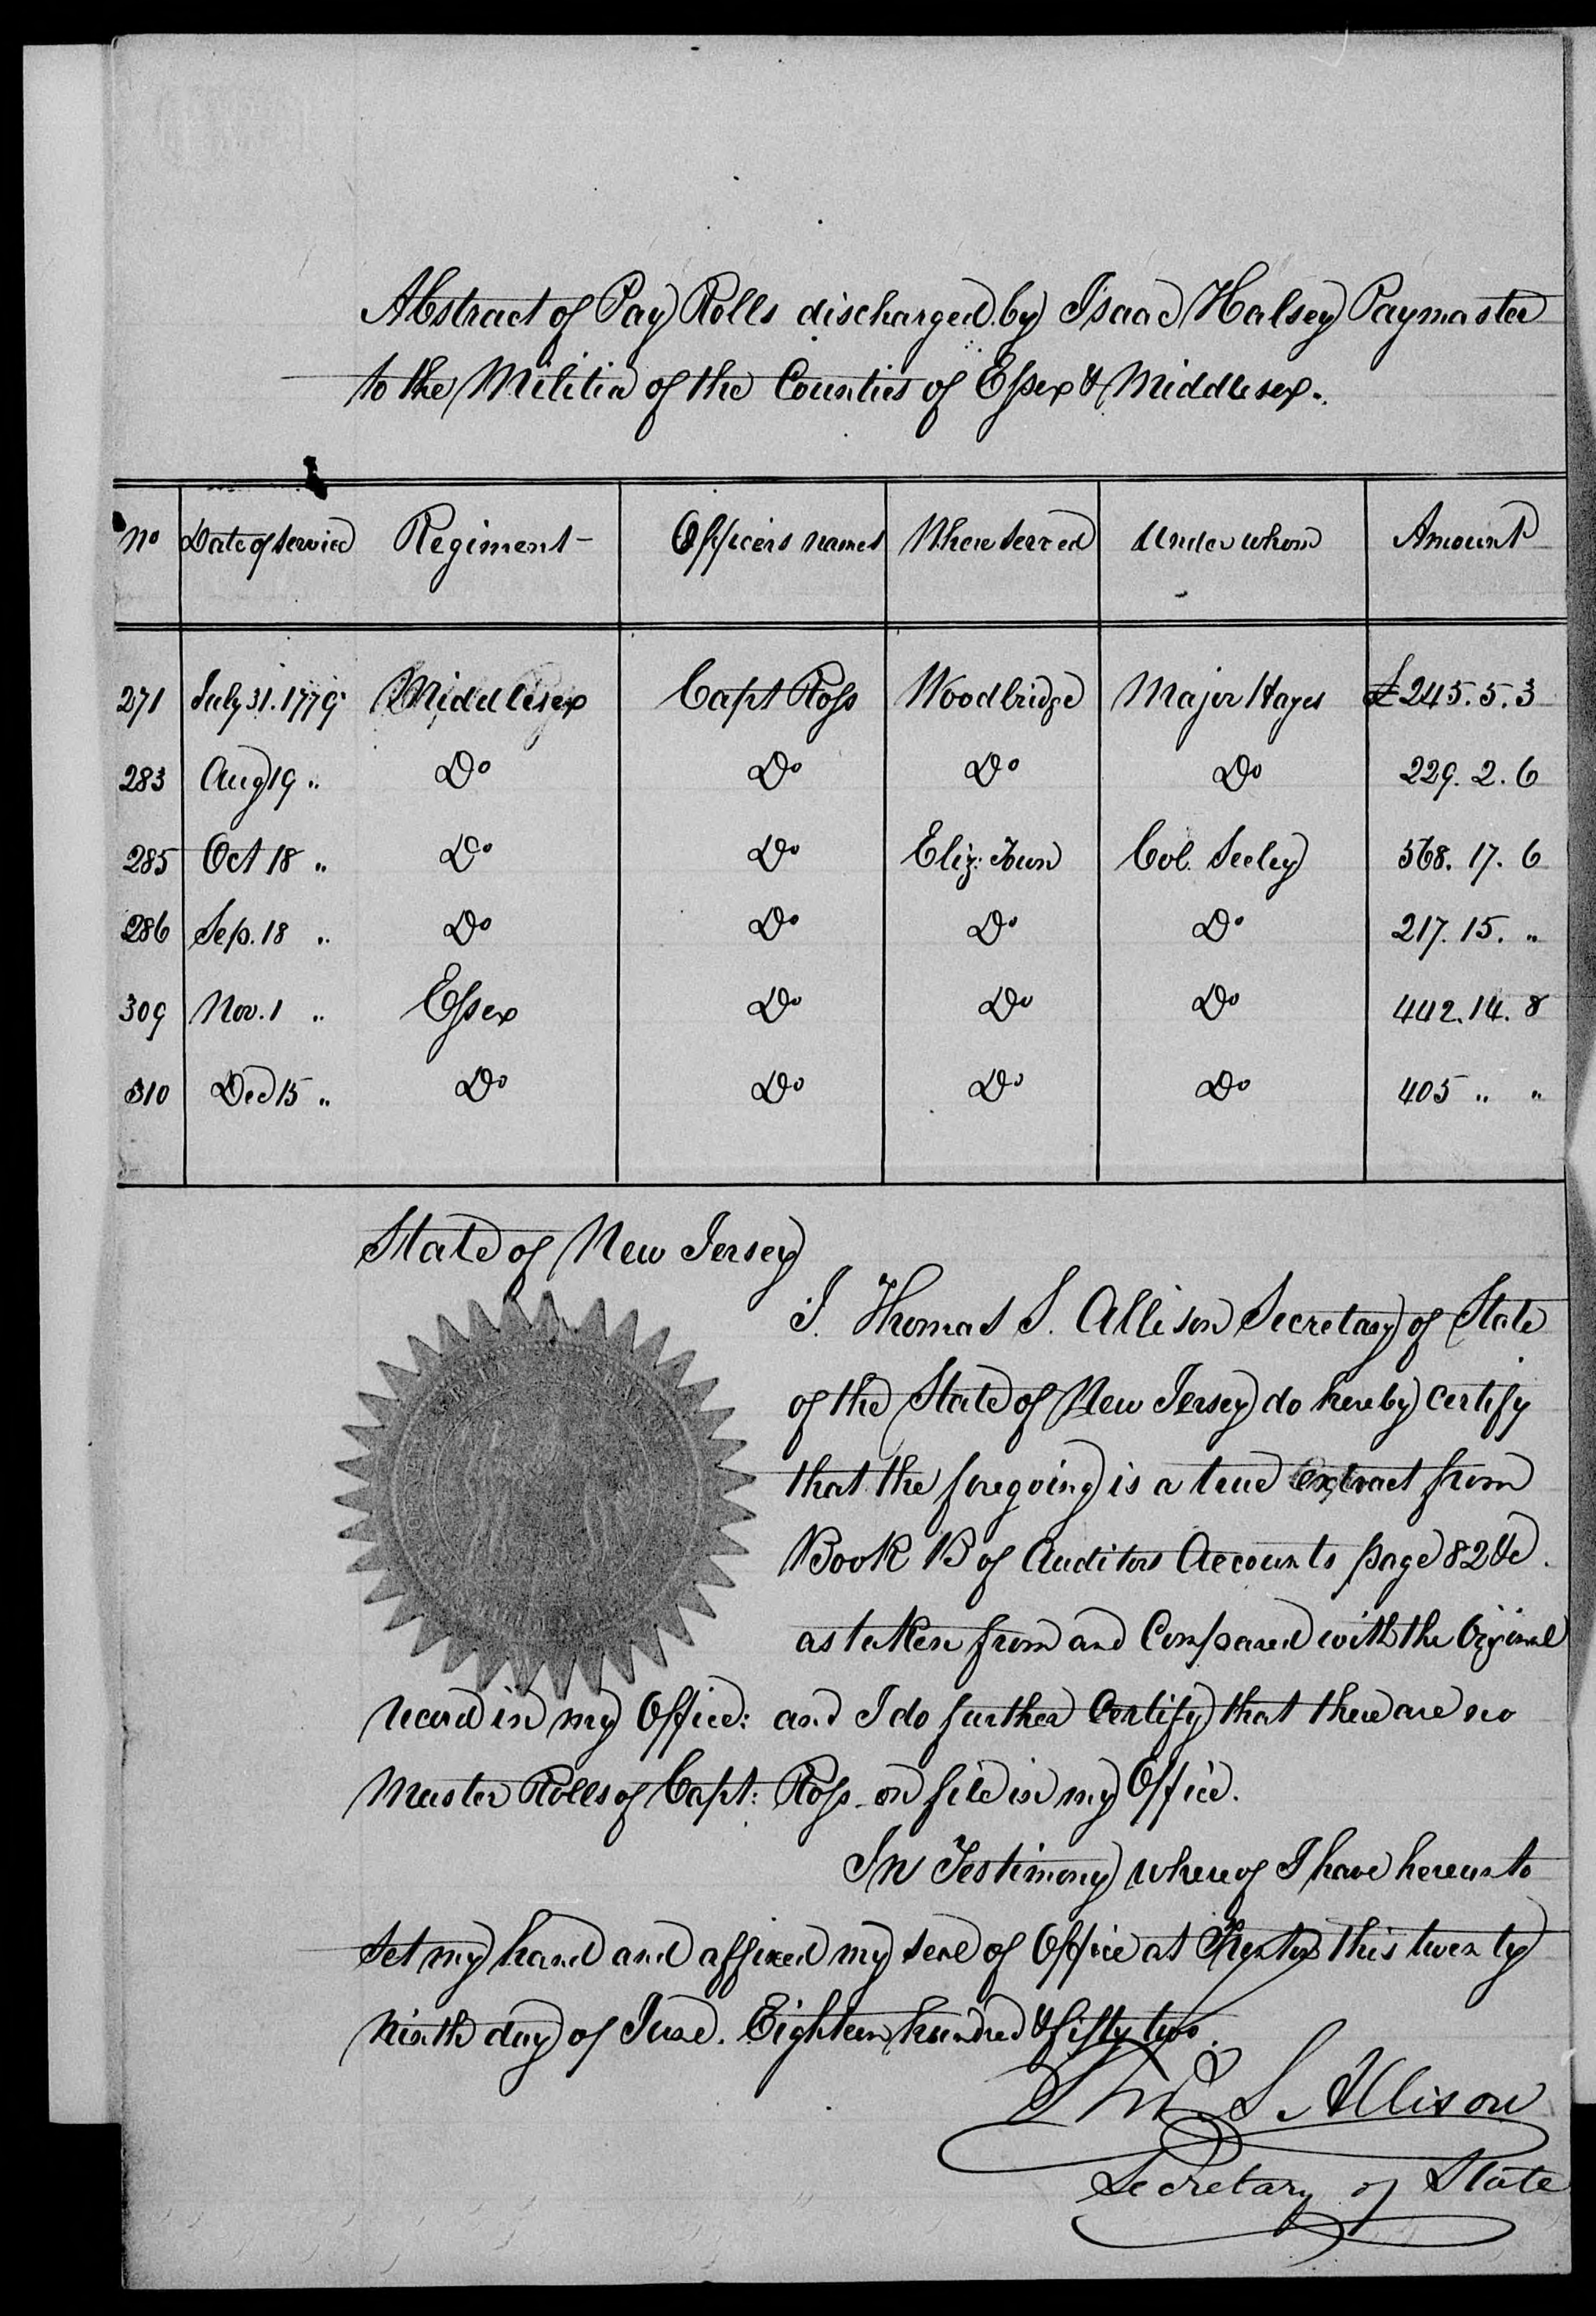Abstract of Pay Rolls discharged by Isaac Halsey, Paymaster to the Militia of the Counties of Essex & Middlesex.

No. | Date of Service | Regiment | Officers Names | Where Served | Under Whom | Amount
271 | July 31, 1779 | Middlesex | Capt. Ross | Woodbridge | Major Hayes | $245.5.3
283 | Aug 19th | (Middlesex) | (Capt. Ross) | (Woodbridge) | (Major Hayes) | 229.2.6
285 | Oct 18th | (Middlesex) | (Capt. Ross) | Eliz(abeth) Town | Col. Seeley | 568.17.6
286 | Sep. 18th | (Middlesex) | (Capt. Ross) | (Eliz(abeth)) Town | (Col. Seeley) | 217.15.(6)
309 | Nov. 1st | Essex | (Capt. Ross) | (Eliz(abeth)) Town | (Col. Seeley) | 442.14.8
310 | Dec 15th |  (Essex) |  (Capt. Ross) | (Eliz(abeth)) Town | (Col. Seeley) | 405.(14).(8)


State of New Jersey
I, Thomas S. Allison, Secretary of State of the State of New Jersey, do hereby certify that the foregoing is a true extract from Book B of Auditor's Accounts page 82 &c. as taken from and compared with the original record in my office: and I do further certify that there are no Muster Rolls of Capt. Ross on file in my Office.

In Testimony whereof I have hereunto set my hand and affixed my Seal of Office at Trenton this Twenty ninth day of June Eighteen Hundred & Fifty two.
s/ Thos. S. Allison, Secretary of State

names: Thomas S Allison; Thos S Allison; [BLANK] Ross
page: 16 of 95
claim: survivor's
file: S 2889, for Levi Mundy, New Jersey